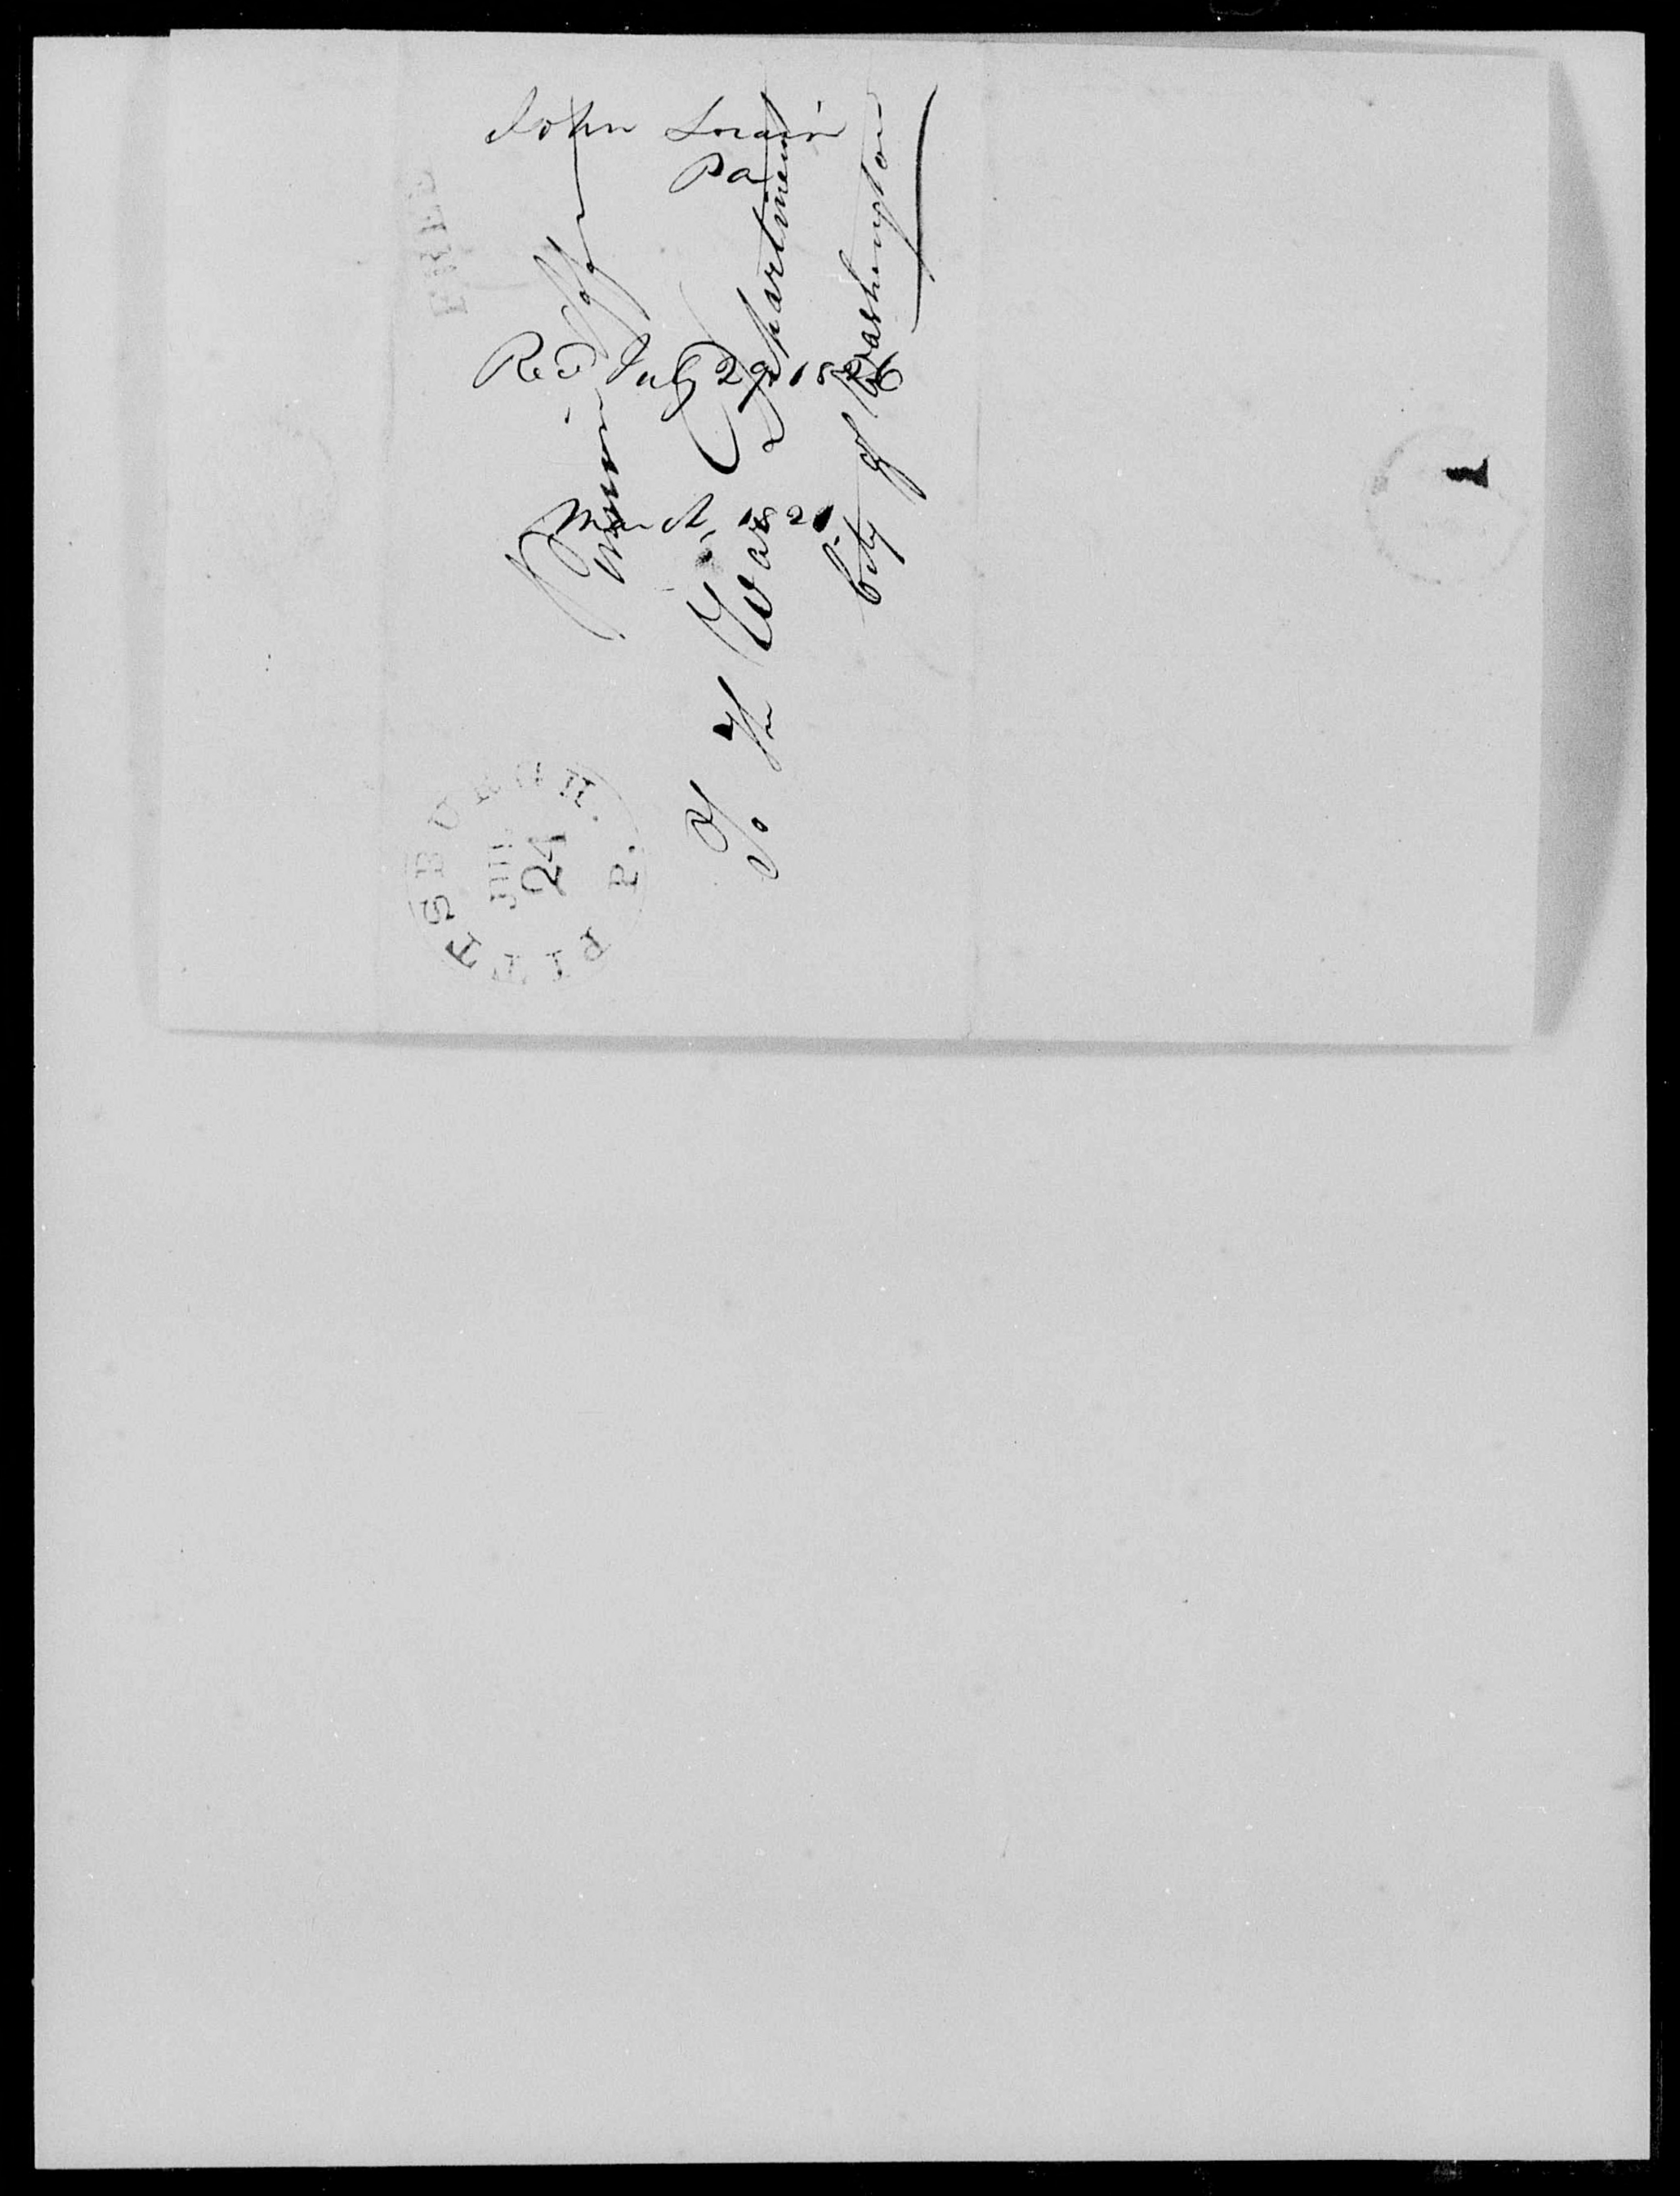circle stamp in left hand corner of envelope reads PITTSBURGH PA July 24
FREE

Pension office

To The War Department

City of Washington

John Lorain Pa

Rec'd July 29 1826

March 1821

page: 11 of 21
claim: survivor's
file: S. 40,098, for John Lorain, Pennsylvania